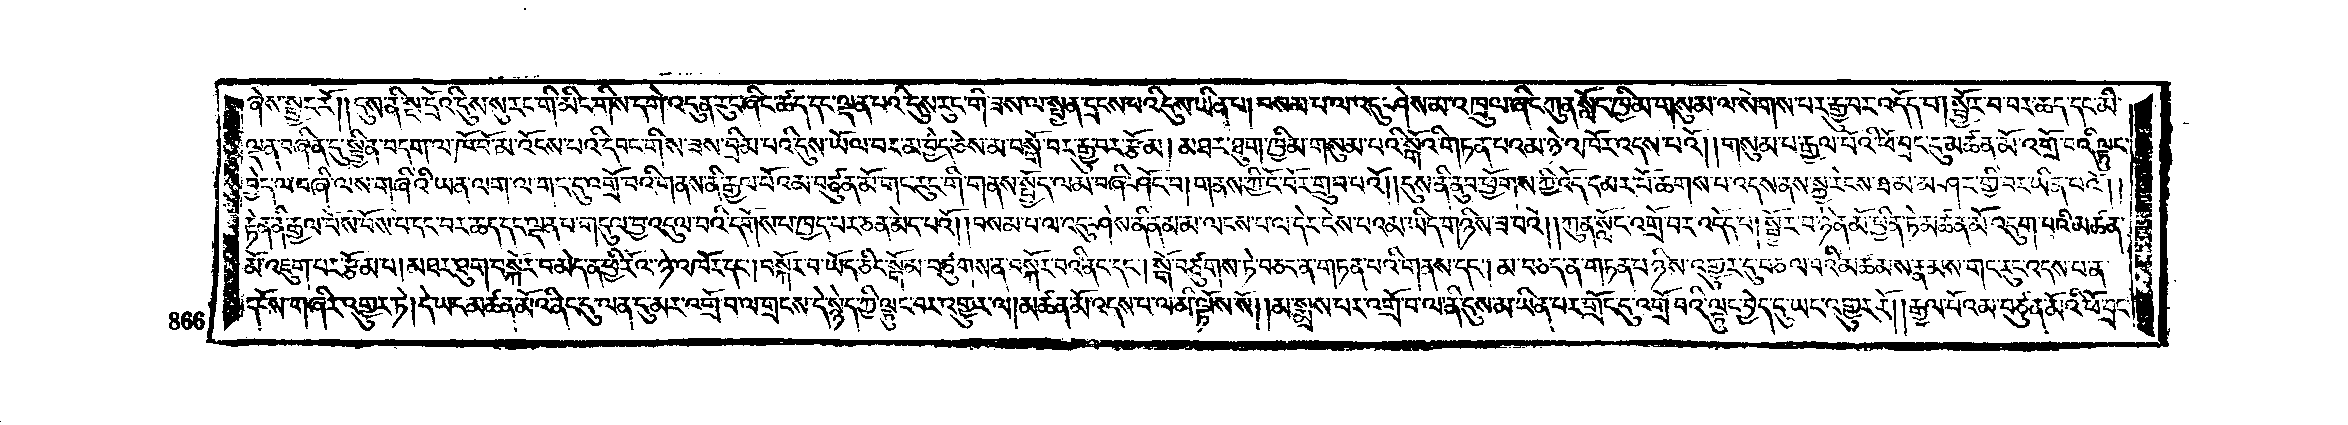ཞེས་སྦྱར་རོ། །དུས་ནི་སྔ་དྲོའི་དུས་སུ་རང་གི་མིང་གིས་དགེ་འདུན་རུང་ཞིང་ཚད་དང་ལྡན་པའི་དུས་རུང་གི་ཟས་ལ་སྤྱན་དྲངས་པའི་དུས་ཡིན་པ། བསམ་པ་ལ་འདུ་ཤེས་མ་འཁྲུལ་ཞིང་ཀུན་སློང་ཁྱིམ་གསུམ་ལ་སོགས་པར་རྒྱུ་བར་འདོད་པ། སྦྱོར་བ་བར་ཆད་དང་མི་
ལྡན་བཞིན་དུ་སྦྱིན་བདག་ལ་ཁོ་བོ་མ་འོངས་པའི་དབང་གིས་ཟས་བྲིམ་པའི་དུས་ཡོལ་བར་མ་བྱེད་ཅེས་མ་བསྒོ་བར་རྒྱུ་བར་རྩོམ། མཐར་ཐུག་ཁྱིམ་གསུམ་པའི་སྒོའི་གཏན་པའམ་ཉེ་འཁོར་འདས་པའོ། །གསུམ་པ་རྒྱལ་པོའི་ཕོ་བྲང་དུ་མཚན་མོ་འགྲོ་བའི་ལྟུང་
བྱེད་ལ་བཞི་ལས་གཞིའི་ཡན་ལག་ལ་གང་དུ་འགྲོ་བའི་གནས་ནི་རྒྱལ་པོའམ་བཙུན་མོ་གང་རུང་གི་གནས་སྤྱོད་ལམ་བཞི་ཤོང་བ། གནས་ཀྱི་ངོ་བོར་གྲུབ་པའོ། །དུས་ནི་ནུབ་ཕྱོགས་ཀྱི་འོད་དམར་པོ་ཆགས་པ་འདས་ནས་སྐྱ་རེངས་ཐ་མ་མ་ཤར་གྱི་བར་ཡིན་པའོ།།
རྟེན་ནི་རྒྱལ་པོས་བོས་པ་དང་བར་ཆད་དང་ལྡན་པ་གདུལ་བྱ་འདུལ་བའི་དགོས་པ་ཁྱད་པར་ཅན་མེད་པའོ། །བསམ་པ་ལ་འདུ་ཤེས་ནི་ནམ་མ་ལངས་པ་ལ་དེར་ངེས་པའམ་ཡིད་གཉིས་ཟ་བའོ། །ཀུན་སློང་འགྲོ་བར་འདོད་པ། སྦྱོར་བ་ཉིན་མོ་ཕྱིན་ཏེ་མཚན་མོ་འདུག་པའི་མཚན་
མོ་འཇུག་པར་རྩོམ་པ། མཐར་ཐུག་བསྐོར་བ་མེད་ན་ཕྱི་རོལ་ཉེ་འཁོར་དང་། བསྐོར་བ་ཡོད་ཅིང་སྒོམ་བཙུགས་ན་བསྐོར་བའི་ནང་དང་། སྒོ་བཙུགས་ཏེ་བཅད་ན་གཏན་པའི་གནས་དང་། མ་བཅད་ན་གཏན་པ་ཉིས་འགྱུར་དུ་བཅལ་བའི་མཚམས་རྣམས་གང་རུང་འདས་པ་ན་
དངོས་གཞིར་འགྱུར་ཏེ། དེ་ཡང་མཚན་མོའི་ནང་དུ་ལན་དུ་མར་འགྲོ་བ་ལ་གྲངས་དེ་སྙེད་ཀྱི་ལྟུང་བར་འགྱུར་ལ། མཚན་མོ་འདས་པ་ལ་མི་ལྟོས་སོ། །མ་སྨྲས་པར་འགྲོ་བ་ལ་ནི་དུས་མ་ཡིན་པར་གྲོང་དུ་འགྲོ་བའི་ལྟུང་བྱེད་དུ་ཡང་འགྱུར་རོ། །རྒྱལ་པོའམ་བཙུན་མོའི་ཕོ་བྲང་